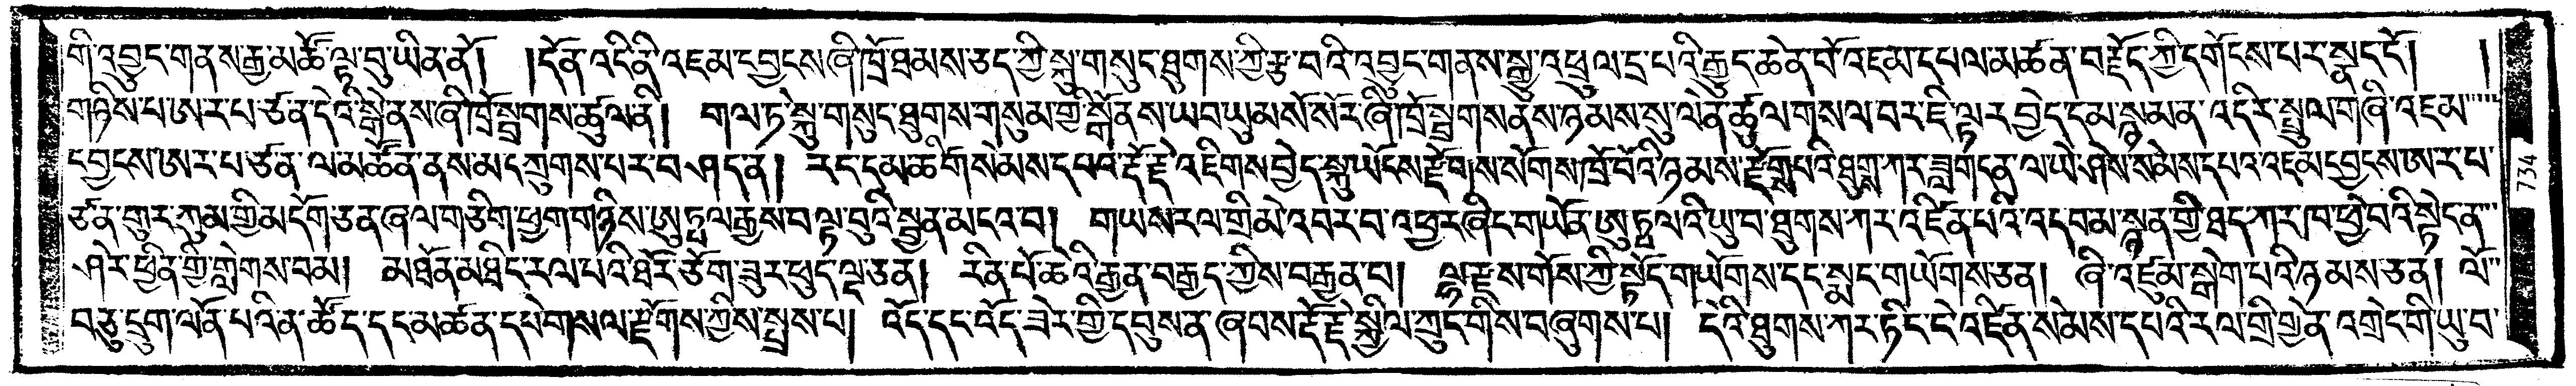གི་འབྱུང་གནས་རྒྱ་མཚོ་ལྟ་བུ་ཡིན་ནོ། །དོན་འདི་ནི་འཇམ་དབྱངས་ཞི་ཁྲོ་ཐམས་ཅད་ཀྱི་སྐུ་གསུང་ཐུགས་ཀྱི་རྩ་བའི་འབྱུང་གནས་སྒྱུ་འཕྲུལ་དྲ་པའི་རྒྱུད་ཆེན་པོ་འཇམ་དཔལ་མཚན་བརྗོད་ཀྱི་དགོངས་པར་སྣང་ངོ། །
གཉིས་པ་ཨ་ར་པ་ཙ་ན་དེའི་སྒོ་ནས་ཞི་ཁྲོ་སྦྲགས་ཚུལ་ནི། གལ་ཏེ་སྐུ་གསུང་ཐུགས་གསུམ་གྱི་སྒོ་ནས་ཡབ་ཡུམ་སོ་སོར་ཞི་ཁྲོ་སྦྲགས་ནས་ཉམས་སུ་ལེན་ཚུལ་གསལ་བར་ཇི་ལྟར་བྱེད་དམ་སྙམ་ན་འདིར་སྤྲུལ་གཞི་འཇམ་
དབྱངས་ཨ་ར་པ་ཙ་ན་ལ་མཚོན་ནས་མ་དཀྲུགས་པར་བཤད་ན། རང་དམ་ཚིག་སེམས་དཔའ་རྡོ་རྗེ་འཇིགས་བྱེད་སྐུ་ཡོངས་རྫོགས་སོགས་ཁྲོ་བོའི་ཉམས་རྫོགས་པའི་ཐུགས་ཀར་ཟླ་གདན་ལ་ཡེ་ཤེས་སེམས་དཔའ་འཇམ་དབྱངས་ཨ་ར་པ་
ཙ་ན་གུར་ཀུམ་གྱི་མདོག་ཅན་ཞལ་གཅིག་ཕྱག་གཉིས་ཨུཏྤལ་རྒྱས་བལྟ་བུའི་སྤྱན་མངའ་བ། གཡས་རལ་གྲི་མེ་འབར་བ་འཕྱར་ཞིང་གཡོན་ཨུཏྤ་ལའི་ཡུ་བ་ཐུགས་ཀར་འཛིན་པའི་འདབ་མ་སྙན་གྱི་ཐད་ཀར་ཁ་ཕྱེ་བའི་སྟེང་ན་
ཤེར་ཕྱིན་གྱི་གླེགས་བམ། མཐོན་མཐིང་རལ་པའི་ཐོར་ཅོག་ཟུར་ཕུང་ལྔ་ཅན། རིན་པོ་ཆེའི་རྒྱན་བརྒྱད་ཀྱིས་བརྒྱན་པ། ལྷ་རྫས་གོས་ཀྱི་སྟོད་གཡོགས་དང་སྨད་གཡོགས་ཅན། ཞི་འཛུམ་སྒེག་པའི་ཉམས་ཅན། ལོ་
བཅུ་དྲུག་ལོན་པའི་ན་ཚོད་དང་མཚན་དཔེ་གསལ་རྫོགས་ཀྱིས་སྤྲས་པ། འོད་དང་འོད་ཟེར་གྱི་དབུས་ན་ཞབས་རྡོ་རྗེ་སྐྱིལ་ཀྲུང་གིས་བཞུགས་པ། དེའི་ཐུགས་ཀར་ཏིང་ངེ་འཛིན་སེམས་དཔའི་རལ་གྲི་གྱེན་འགྲེང་གི་ཡུ་བ་